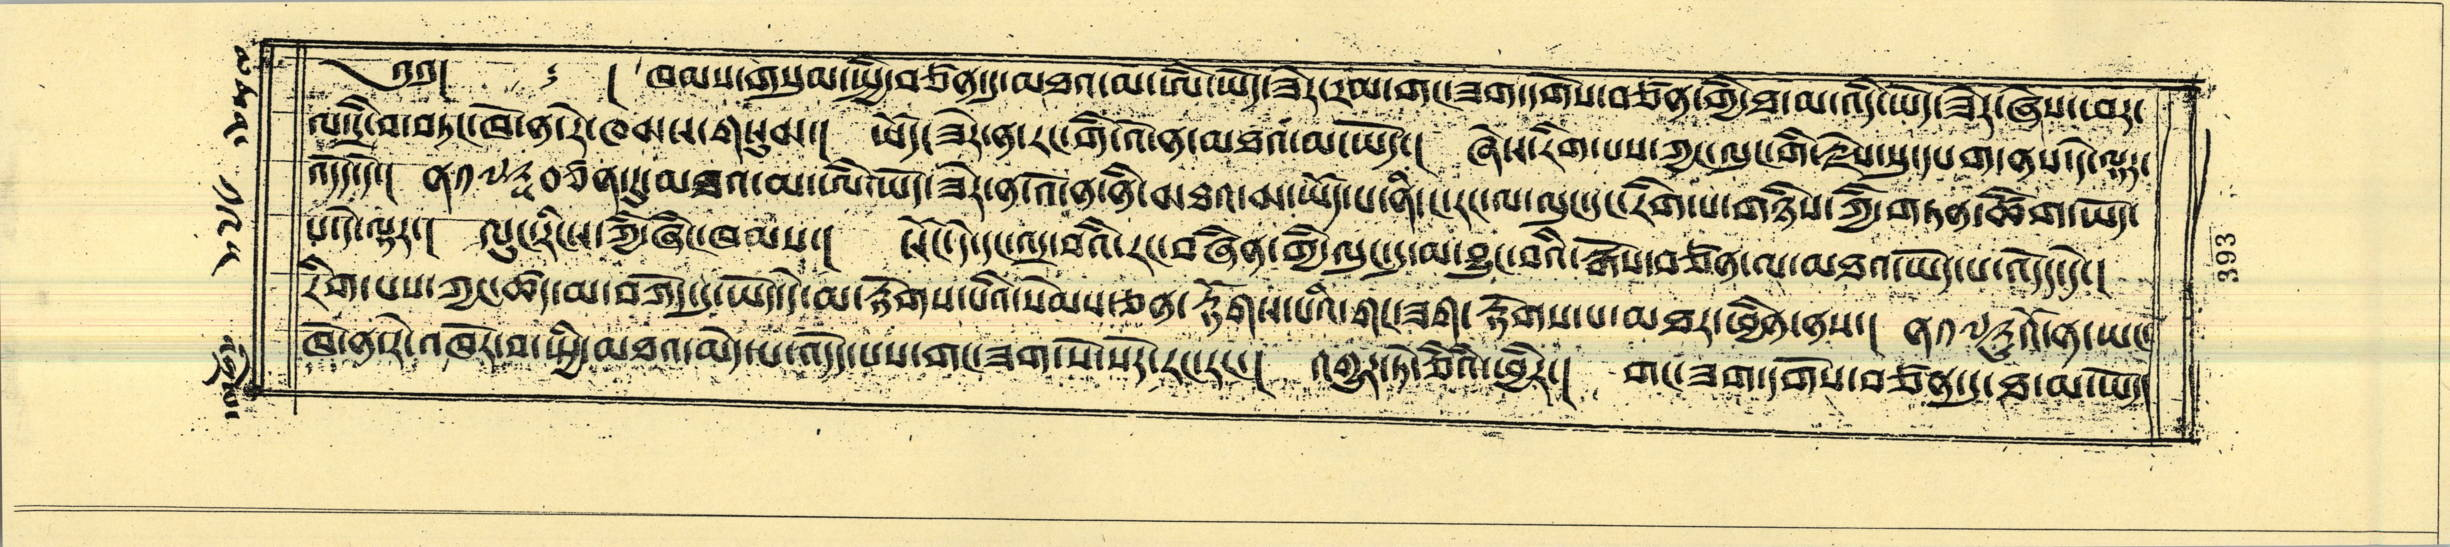ཁམས་གསུམ་སྤྱི་བཙན་དུ་མཐའ་མ་ཨེ་ཡོད་ཟེར་རམ་གང་ཟག་དགོས་བཙན་གྱི་ཐ་མན་འདི་ཡོད་ཟེར་ཞེས་ཕར་
ལ་དྲི་བ་བཏང་ཁོ་ན་རེ་ ༼ཁམས་གསུམ།༽ ༼ཡོད་༽ཟེར་ན་རང་གི་འོ་ན་མཐའ་མ་ཡོད། ༼ཞེས་༽རིག་པས་ཀྱང་ལུང་གི་རྗེས་སུ་དཔག་ནས་དེ་ལྟར་
འདོད་དོ། ན༡༧༢།༥ ༼བཙན་དུ་༽མཐའ་མ་ཨི་ཡོད་ཟེར་ན་འོ་ན་ནི་ ༼མཐའ་མ་ཡོད་ནི་༽ང་རང་ལ་ལུང་དང་རིག་པ་གཉིས་ཀྱི་གཏན་ཚིག་ཡོད་
པ་དེ་ལྟར། ༼ལུང་རིངས་༽ཀྱི་ཞིང་ཁམས། ༼སོང་༽དེ་དང་འདྲ་བའི་རང་བཞིན་གྱི་ལུང་དུ་མ་བྱུང་བའི་སྒོས་བཙན་ལ་མཐའ་ཡོད་པ་འདོད་དེ། 
རིག་པས་ཀྱང་ཚད་མ་བཀོད་དུ་ཡོད་དེ་མ་རྟོགས་པའི་སེམས་ཅན་ ༼རྟོགས་པའི་གང་ཟག་༽རྟོགས་པ་མཐར་ཕྱིན་ནས། ན༡༧༢།༦ ༼འོ་ན་༽ཡང་
ཁོ་ན་རེ་འཁོར་བ་སྤྱི་མཐའ་མེད་པ་འདོད་པས་གང་ཟག་སོ་སོར་རང་རང། ༼འགྱུར་༽ཏེ་ཅིའི་ཕྱིར། གང་ཟག་དགོས་བཙན་དུ་ཐ་མ་ཡོད་